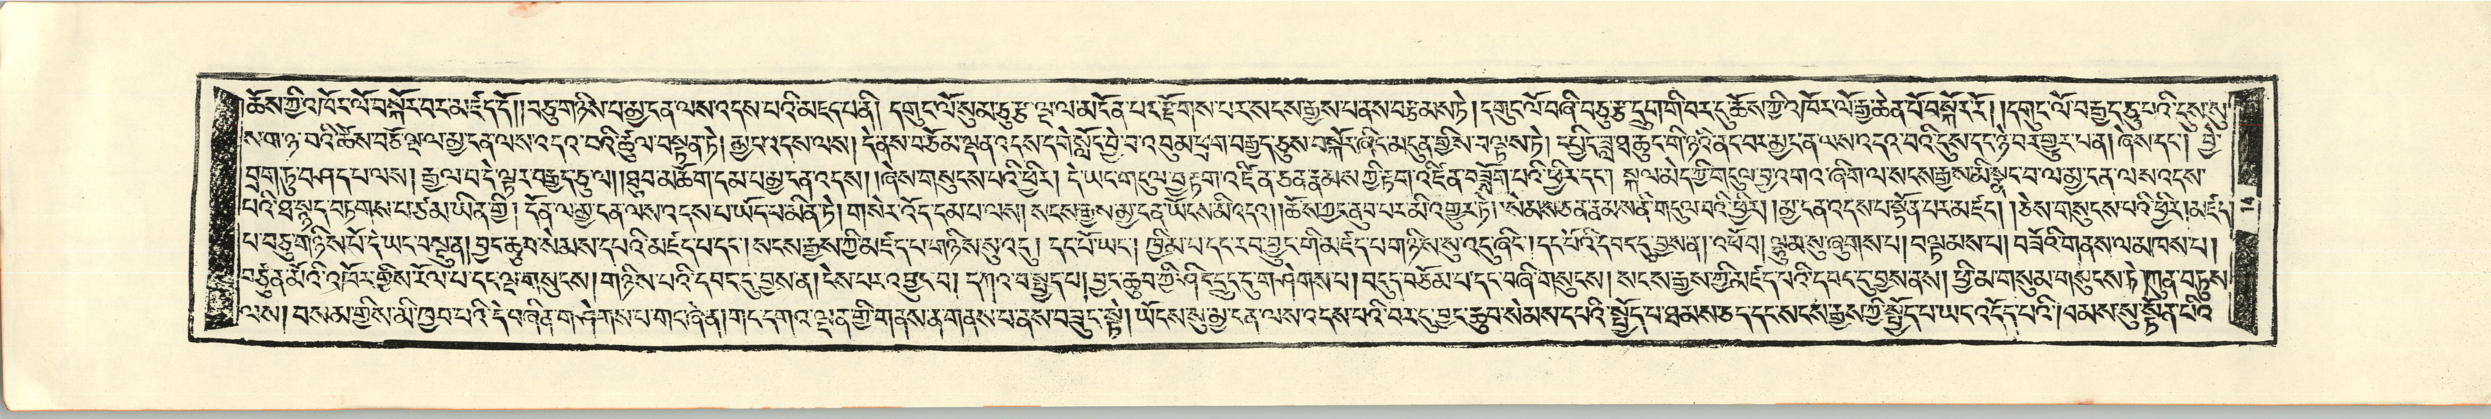ཆོས་ཀྱི་འཁོར་ལོ་བསྐོར་བར་མཛད་དོ། །བཅུ་གཉིས་པ་མྱ་ངན་ལས་འདས་པའི་མཇད་པ་ནི། དགུང་ལོ་སུམ་ཅུ་རྩ་ལྔ་ལ་མངོན་པར་རྫོགས་པར་སངས་རྒྱས་པ་ནས་བརྩམས་ཏེ། དགུང་ལོ་བཞི་བཅུ་རྩ་དྲུག་གི་བར་དུ་ཆོས་ཀྱི་འཁོར་ལོ་རྒྱ་ཆེན་པོ་བསྐོར་རོ། །དགུང་ལོ་བརྒྱད་ཅུ་པའི་དུས་སུ་
སག་ཉ་བའི་ཆོས་བཅོ་ལྔ་ལ་མྱ་ངན་ལས་འདའ་བའི་ཚུལ་བསྟན་ཏེ། བྱང་འདས་ལས། དེ་ནས་བཅོམ་ལྡན་འདས་དགེ་སློང་བྱེ་བ་འབུམ་ཕྲག་བརྒྱད་ཅུས་བསྐོར་ཞིང་མདུན་གྱིས་བལྟས་ཏེ། དཔྱིད་ཟླ་ཐ་ཆུང་གི་ཉའི་ནང་བར་མྱ་ངན་ལས་འདའ་བའི་དུས་དང་ཉེ་བར་གྱུར་པ་ན། ཞེས་དང་། བྱེ་
བྲག་ཏུ་བཤད་པ་ལས། རྒྱལ་བ་དེ་ལྟར་བརྒྱད་ཅུ་ལ། །ཐུབ་མཆོག་དམ་པ་མྱ་ངན་འདས། །ཞེས་གསུངས་པའི་ཕྱིར། དེ་ཡང་གདུལ་བྱ་རྟག་འཛིན་ཅན་རྣམས་ཀྱི་རྟག་འཛིན་བཟློག་པའི་ཕྱིར་དང་། སྐལ་མེད་ཀྱི་གདུལ་བྱ་འགའ་ཞིག་ལ་སངས་རྒྱས་མི་སྣང་བ་ལ་མྱ་ངན་ལས་འདས་
པའི་ཐ་སྙད་བཏགས་པ་ཙམ་ཡིན་གྱི། དོན་ལ་མྱ་ངན་ལས་འདས་པ་ཡོད་པ་མིན་ཏེ། གསེར་འོད་དམ་པ་ལས། སངས་རྒྱས་མྱ་ངན་ཡོངས་མི་འདའ། །ཆོས་ཀྱང་ནུབ་པར་མི་འགྱུར་ཏེ། །སེམས་ཅན་རྣམས་ནི་གདུལ་བའི་ཕྱིར། །མྱ་ངན་འདས་པ་སྟོན་པར་མཛད། །ཅེས་གསུངས་པའི་ཕྱིར། མཛད་
པ་བཅུ་གཉིས་པོ་དེ་ཡང་བསྡུ་ན། བྱང་ཆུབ་སེམས་དཔའི་མཛད་པ་དང་། སངས་རྒྱས་ཀྱི་མཛད་པ་གཉིས་སུ་འདུ། །དང་པོ་ཡང་། ཁྱིམ་པ་དང་རབ་བྱུང་གི་མཛད་པ་གཉིས་སུ་འདུ་ཞིང་། དང་པོའི་དབང་དུ་བྱས་ན། འཕོ་བ། ལྷུམ་སུ་ཞུགས་པ། བལྟམས་པ། བཟོའི་གནས་ལ་མཁས་པ།
བཙུན་མོའི་འཁོར་གྱིས་རོལ་པ་དང་ལྔ་གསུངས། གཉིས་པའི་དབང་དུ་བྱས་ན། ངེས་པར་འབྱུང་བ། དཀའ་བ་སྤྱད་པ། བྱང་ཆུབ་ཀྱི་ཤིང་དྲུང་དུ་གཤེགས་པ། བདུད་བཅོམ་པ་དང་བཞི་གསུངས། སངས་རྒྱས་ཀྱི་མཛད་པའི་དབང་དུ་བྱས་ནས། ཕྱི་མ་གསུམ་གསུངས་ཏེ། ཀུན་བཏུས་
ལས། བསམ་གྱིས་མི་ཁྱབ་པའི་དེ་བཞིན་གཤེགས་པ་གང་ཞེ་ན། གང་དགའ་ལྡན་གྱི་གནས་ན་གནས་པ་ནས་བཟུང་སྟེ། ཡོངས་སུ་མྱ་ངན་ལས་འདས་པའི་བར་དུ་བྱང་ཆུབ་སེམས་དཔའི་སྤྱོད་པ་ཐམས་ཅད་དང་སངས་རྒྱས་ཀྱི་སྤྱོད་པ་ཡང་འདོད་པའི་ཁམས་སུ་སྟོན་པའི་